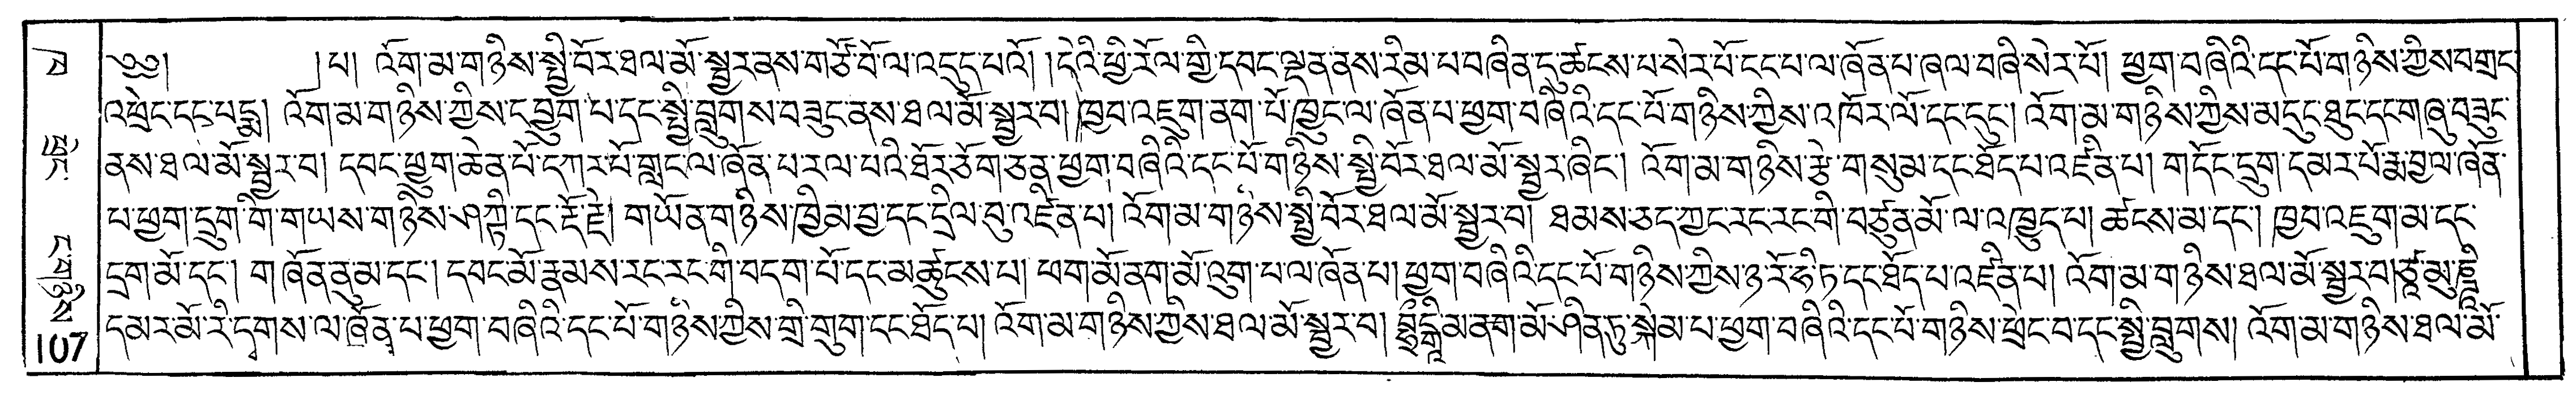༄༅། །པ། འོག་མ་གཉིས་སྤྱི་བོར་ཐལ་མོ་སྦྱར་ནས་གཙོ་བོ་ལ་འདུད་པའོ། །དེའི་ཕྱི་རོལ་གྱི་དབང་ལྡན་ནས་རིམ་པ་བཞིན་དུ་ཚངས་པ་སེར་པོ་ངང་པ་ལ་ཞོན་པ་ཞལ་བཞི་སེར་པོ། ཕྱག་བཞིའི་དང་པོ་གཉིས་ཀྱིས་བགྲང་
འཕྲེང་དང་པདམ། འོག་མ་གཉིས་ཀྱིས་དབྱུག་པ་དང་སྤྱི་བླུགས་བཟུང་ནས་ཐལ་མོ་སྦྱར་བ། ཁྱབ་འཇུག་ནག་པོ་ཁྱུང་ལ་ཞོན་པ་ཕྱག་བཞིའི་དང་པོ་གཉིས་ཀྱིས་འཁོར་ལོ་དང་དུང་། འོག་མ་གཉིས་ཀྱིས་མདུང་ཐུང་དང་གཞུ་བཟུང་
ནས་ཐལ་མོ་སྦྱར་བ། དབང་ཕྱུག་ཆེན་པོ་དཀར་པོ་གླང་ལ་ཞོན་པ་རལ་པའི་ཐོར་ཅོག་ཅན་ཕྱག་བཞིའི་དང་པོ་གཉིས་སྤྱི་བོར་ཐལ་མོ་སྦྱར་ཞིང་། འོག་མ་གཉིས་རྩེ་གསུམ་དང་ཐོད་པ་འཛིན་པ། གདོང་དྲུག་དམར་པོ་རྨ་བྱ་ལ་ཞོན་
པ་ཕྱག་དྲུག་གི་གཡས་གཉིས་ཤཀྟི་དང་རྡོ་རྗེ། གཡོན་གཉིས་ཁྱིམ་བྱ་དང་དྲིལ་བུ་འཛིན་པ། འོག་མ་གཉིས་སྤྱི་བོར་ཐལ་མོ་སྦྱར་བ། ཐམས་ཅད་ཀྱང་རང་རང་གི་བཙུན་མོ་ལ་འཁྱུད་པ། ཚངས་མ་དང་། ཁྱབ་འཇུག་མ་དང་
དྲག་མོ་དང་། གཞོན་ནུ་མ་དང་། དབང་མོ་རྣམས་རང་རང་གི་བདག་པོ་དང་མཚུངས་པ། ཕག་མོ་ནག་མོ་འུག་པ་ལ་ཞོན་པ། ཕྱག་བཞིའི་དང་པོ་གཉིས་ཀྱིས་ཉ་རོ་ཧི་ཏ་དང་ཐོད་པ་འཛིན་པ། འོག་མ་གཉིས་ཐལ་མོ་སྦྱར་བ། ཙཱ་མུ་ཎྜཱི་
དམར་མོ་རི་དྭགས་ལ་ཞོན་པ་ཕྱག་བཞིའི་དང་པོ་གཉིས་ཀྱིས་གྲི་གུག་དང་ཐོད་པ། འོག་མ་གཉིས་ཀྱིས་ཐལ་མོ་སྦྱར་བ། བྷྲྀདགཱི་མ་ནག་མོ་ཤིན་ཏུ་སྐེམ་པ་ཕྱག་བཞིའི་དང་པོ་གཉིས་ཕྲེང་བ་དང་སྤྱི་བླུགས། འོག་མ་གཉིས་ཐལ་མོ་